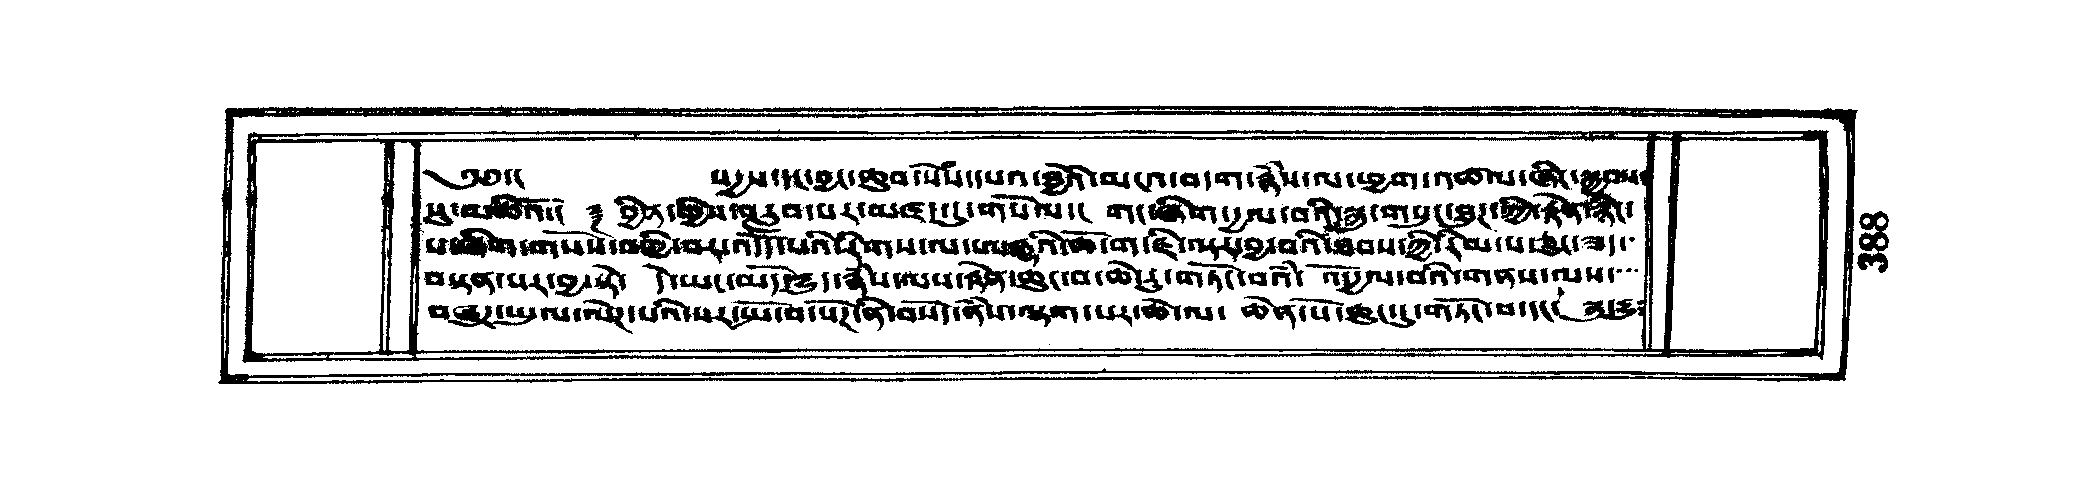སངས་རྒྱས་དང་བྱང་ཆུབ་སེམས་དཔའ་ཐུགས་རྗེའི་མངའ་བདག་རྣམས་ལ་ཕྱག་འཚལ་ཞིང་སྐྱབས་
སུ་མཆིའོ། བྱིན་གྱིས་བརླབ་པར་མཛད་དུ་གསོལ། གང་ཞིག་རྒྱལ་བའི་སྐུ་གསུང་ཐུགས་ཀྱི་རྟེན་རྙིང་
པ་ཞིག་གསོས་བགྱི་བར་འདོད་པའི་རིགས་ལ་ཨརྒྷའི་ཆོ་ག་ཇི་ལྟར་བྱ་བའི་ཐབས་ཀྱི་རིམ་པ་ཅུང་ཟད་
བསྟན་པར་བྱ་སྟེ། དེ་ཡང་མདོ་རྒྱུད་རྣམས་ལས་རྟེན་ཆུང་བ་ཆེ་རུ་གཏོང་བའམ། འོ་རྒྱལ་བའི་གནས་ལས་
བཞུགས་ཡུལ་ལེགས་པའི་སར་སྤོ་བ་སོགས་ནི་བསོད་ནམས་ལྷག་པར་ཆེ་ལ། ཆེན་པོ་ཆུང་དུ་གཏོང་བ་དང་། སྐུ་རྒྱུ་